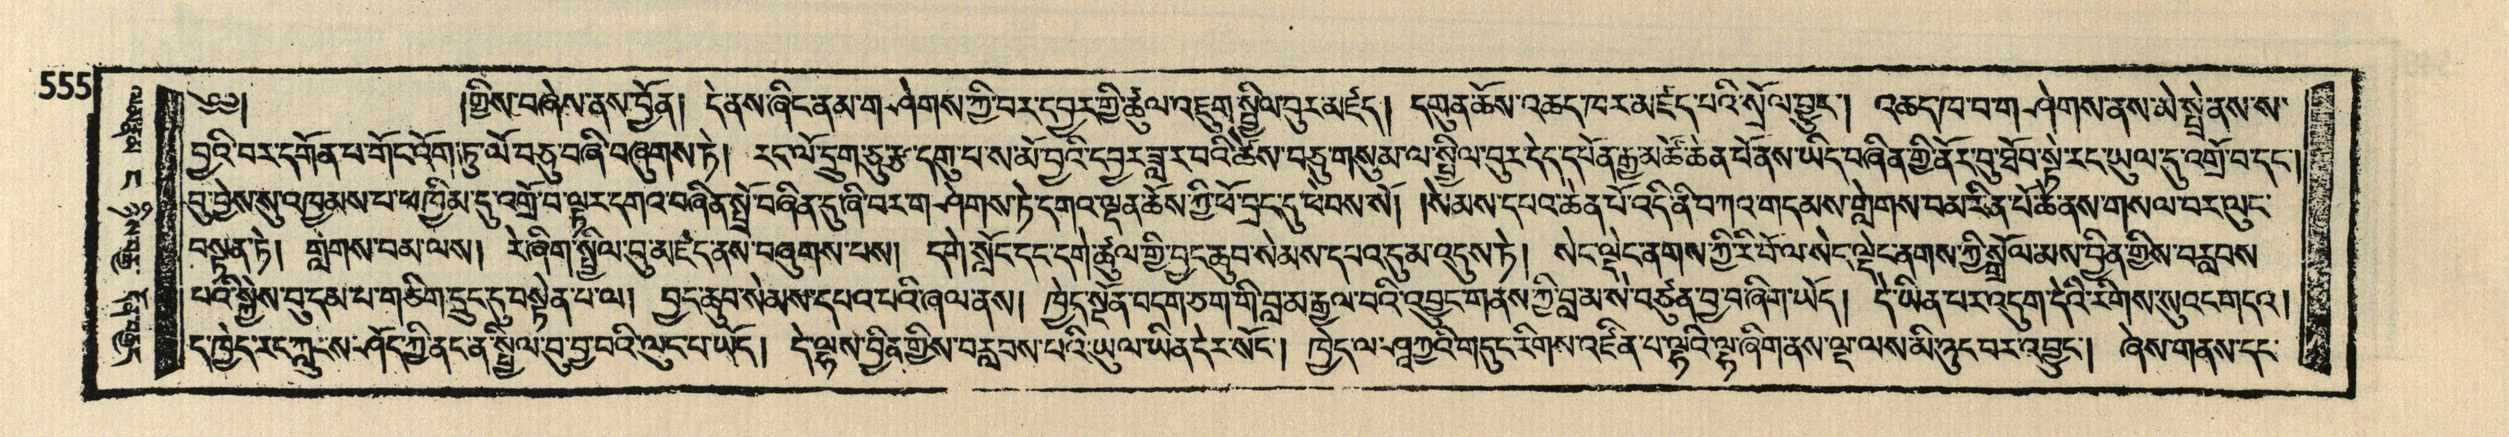༄༅། །གྱིས་བཞེས་ནས་བྱོན། དེ་ནས་ཞིང་ནམ་གཤེགས་ཀྱི་བར་དབྱར་གྱི་ཚུལ་འཇུག་སྦྱིལ་བུར་མཛད། དགུན་ཆོས་འཆད་ཁར་མཛད་པའི་སྲོལ་བྱུང་། འཆད་ཁ་བ་གཤེགས་ནས་མེ་སྤྲེ་ནས་ས་
བྱའི་བར་དགོན་པ་གོང་འོག་ཏུ་ལོ་བཅུ་བཞི་བཞུགས་ཏེ། རང་ལོ་དྲུག་ཅུ་རྩ་དགུ་པ་ས་མོ་བྱའི་དབྱར་ཟླ་ར་བའི་ཚེས་བཅུ་གསུམ་ལ་སྤྱིལ་བུར་དེད་དཔོན་རྒྱ་མཚོ་ཆེན་བོ་ནས་ཡིད་བཞིན་གྱི་ནོར་བུ་ཐོབ་སྟེ་རང་ཡུལ་དུ་འགྲོ་བ་དང་།
བུ་བྱེས་སུ་འཁྱམས་པ་ཕ་ཁྱིམ་དུ་འགྲོ་བ་ལྟར་དགའ་བཞིན་སྤྲོ་བཞིན་དུ་ཞི་བར་གཤེགས་ཏེ་དགའ་ལྡན་ཆོས་ཀྱི་ཕོ་བྲང་དུ་ཕེབས་སོ། །སེམས་དཔའ་ཆེན་པོ་འདི་ནི་བཀའ་གདམས་གླེགས་བམ་རིན་པོ་ཆེ་ནས་གསལ་བར་ལུང་
བསྟན་ཏེ། གླེགས་བམ་ལས། རེ་ཞིག་སྤྱིལ་བུ་མཛད་ནས་བཞུགས་པས། དགེ་སློང་དང་དགེ་ཚུལ་གྱི་བྱང་ཆུབ་སེམས་དཔའ་དུ་མ་འདུས་ཏེ། སེང་ལྡེང་ནགས་ཀྱི་རི་བོ་ལ་སེང་ལྡེང་ནགས་ཀྱི་སྒྲོལ་མས་བྱིན་གྱིས་བརླབས་
པའི་སྐྱེས་བུ་དམ་པ་གཅིག་དྲུང་དུ་བསྟེན་པ་ལ། བྱང་ཆུབ་སེམས་དཔའ་པའི་ཞལ་ནས། ཁྱེད་སྔོན་བདག་ཅག་གི་བླ་མ་རྒྱལ་བའི་འབྱུང་གནས་ཀྱི་བླ་མ་སེ་བཙུན་བྱ་བ་ཞིག་ཡོད། དེ་ཡིན་པར་འདུག་དེའི་རིགས་སུའང་གདའ།
ད་ཁྱེད་རང་ཀླུངས་ཤོད་ཀྱི་ནང་ན་སྤྱིལ་བུ་བྱ་བའི་ལུང་པ་ཡོད། དེ་ལྷས་བྱིན་གྱིས་བརླབས་པའི་ཡུལ་ཡིན་དེར་སོང་། ཁྱེད་ལ་ཤཱཀྱའི་གདུང་རིགས་འཛིན་པ་ལྷའི་ལྷ་ཞིག་ནས་ལྔ་ལས་མི་ཉུང་བར་འབྱུང་། ཞེས་གནས་དང་